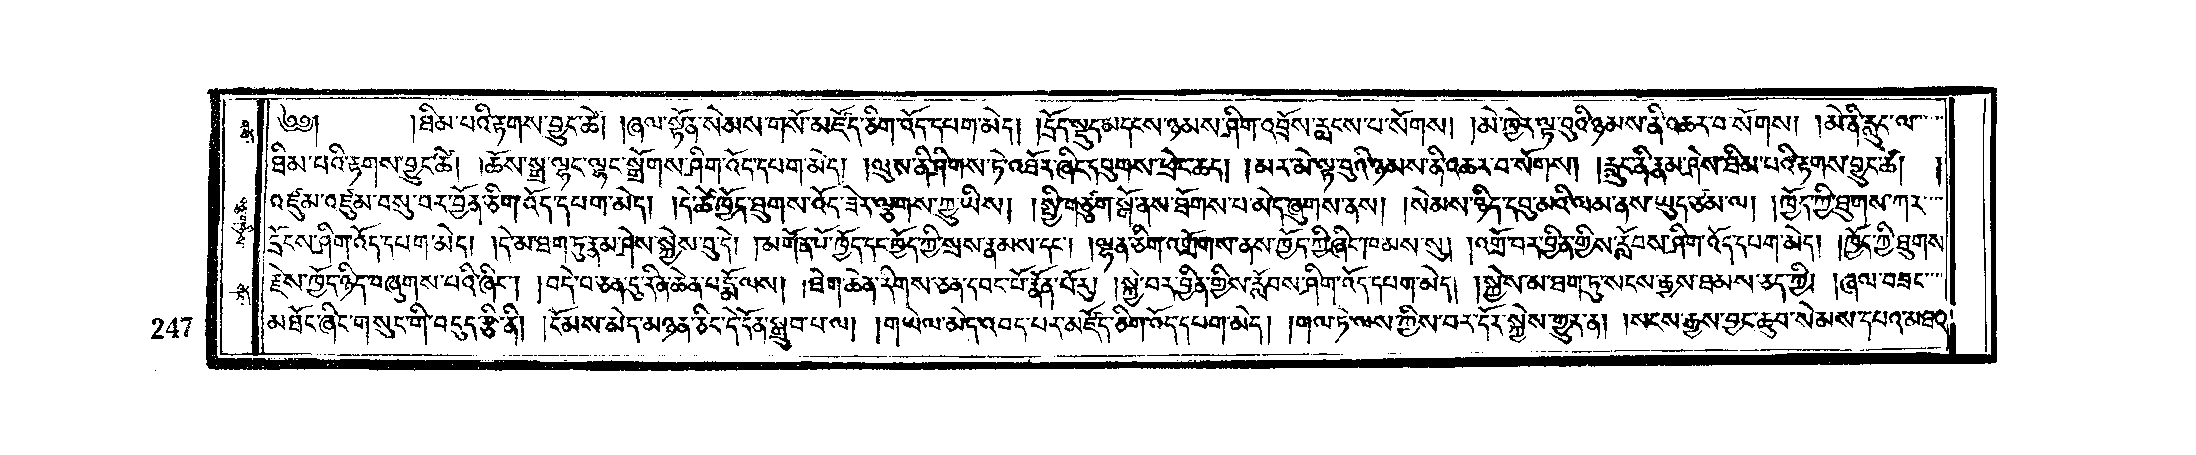༄༅། །ཐིམ་པའི་རྟགས་བྱུང་ཚེ། །ཞལ་སྟོན་སེམས་གསོ་མཛོད་ཅིག་འོད་དཔག་མེད། །དྲོད་སྡུད་མདངས་ཉམས་ཤིག་འབྲོས་རླངས་པ་སོགས། །མེ་ཁྱེར་ལྟ་བུའི་ཉམས་ནི་འཆར་བ་སོགས། །མེ་ནི་རླུང་ལ་
ཐིམ་པའི་རྟགས་བྱུང་ཚེ། །ཆོས་སྒྲ་ལྷང་ལྷང་སྒྲོགས་ཤིག་འོད་དཔག་མེད། །ལུས་ནི་ཤིགས་ཏེ་འཐོར་ཞིང་དབུགས་ཕྲེང་ཆད། །མར་མེ་ལྟ་བུའི་ཉམས་ནི་འཆར་བ་སོགས། །རླུང་ནི་རྣམ་ཤེས་ཐིམ་པའི་རྟགས་བྱུང་ཚེ། །
འཛུམ་འཛུམ་བསུ་བར་བྱོན་ཅིག་འོད་དཔག་མེད། །དེ་ཚེ་ཁྱོད་ཐུགས་འོད་ཟེར་ལྕགས་ཀྱུ་ཡིས། །སྤྱི་གཙུག་སྒོ་ནས་ཐོགས་པ་མེད་ཞུགས་ནས། །སེམས་ཉིད་དབུ་མའི་ལམ་ནས་ཡུད་ཙམ་ལ། །ཁྱོད་ཀྱི་ཐུགས་ཀར་
དྲོངས་ཤིག་འོད་དཔག་མེད། །དེ་མ་ཐག་ཏུ་རྣམ་ཤེས་སྐྱེས་བུ་དེ། །མགོན་པོ་ཁྱོད་དང་ཁྱོད་ཀྱི་སྲས་རྣམས་དང་། །ལྷན་ཅིག་འགྲོགས་ནས་ཁྱོད་ཀྱི་ཞིང་ཁམས་སུ། །འགྲོ་བར་བྱིན་གྱིས་རློབས་ཤིག་འོད་དཔག་མེད། །ཁྱོད་ཀྱི་ཐུགས་
རྗེས་ཁྱོད་ཉིད་བཞུགས་པའི་ཞིང་། །བདེ་བ་ཅན་དུ་རིན་ཆེན་པདམོ་ལས། །ཐེག་ཆེན་རིགས་ཅན་དབང་པོ་རྣོན་པོ་རུ། །སྐྱེ་བར་བྱིན་གྱིས་རློབས་ཤིག་འོད་དཔག་མེད། །སྐྱེས་མ་ཐག་ཏུ་སངས་རྒྱས་ཐམས་ཅད་ཀྱི། །ཞལ་བཟང་
མཐོང་ཞིང་གསུང་གི་བདུད་རྩི་ནི། །ངོམས་མེད་མཉན་ཅིང་དེ་དོན་སྒྲུབ་པ་ལ། །གཡེལ་མེད་འབད་པར་མཛོད་ཅིག་འོད་དཔག་མེད། །གལ་ཏེ་ལས་ཀྱིས་བར་དོར་སྐྱེས་གྱུར་ན། །སངས་རྒྱས་བྱང་ཆུབ་སེམས་དཔའ་མཐའ་